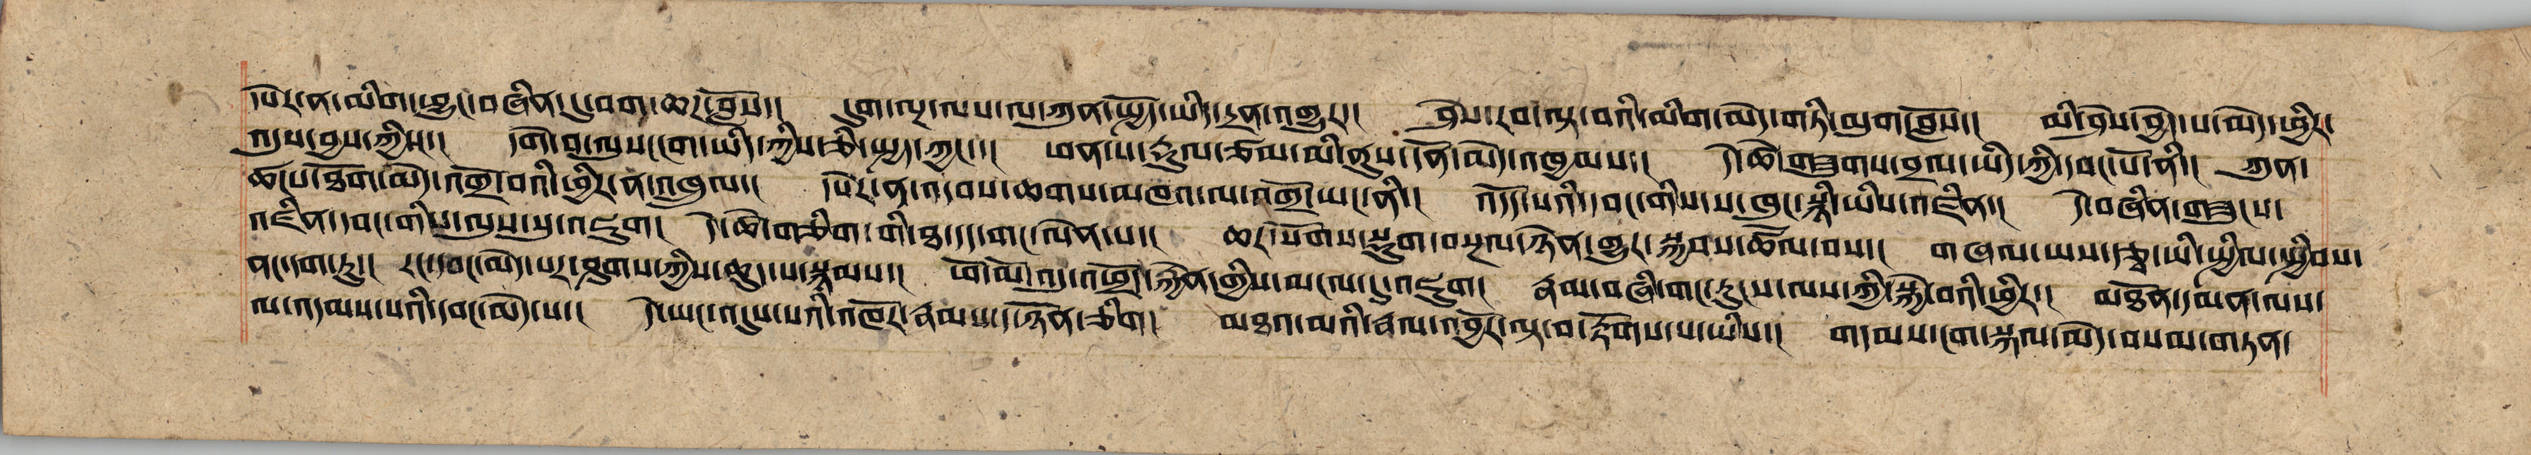དཔེར་ན་མིག་ཕྱུང་བཞིན་དུ་བག་ཆཌ་བློས་། དུག་ལྔ་ལས་ལ་ཀུན་སྤྱོད་ཡིད་དྲན་འགྱུར་། ཤེས་རབ་ལྟ་བའི་མིག་མེད་གཏི་མུག་བློས་། མི་ཤེས་བྱེད་པ་མེད་ཕྱིར་
འདུས་བྱས་ཀྱིས་། དགེ་བ་ལུས་ངག་ཡིད་ཀྱིས་ཅི་སྤྱད་ཀྱང་་། ཕན་པ་རྡུལ་ཙམ་མི་ནུས་དོན་མེད་འཁྱམས་། དེ་ཚེ་གཟུགས་བྲལ་ཡིད་ཀྱི་དབང་པོ་ནི་། ཀུན་
ཚངས་ཐོག་མེད་འགྲོ་བའི་ཕྱིར་ན་འཁྲུལ་། དཔེར་ན་འདབས་ཆགས་མཁའ་ལ་འགྲོ་ཡང་ནི་། འདོད་པའི་དབང་གིས་ས་ཁུང་སྙི་ཡིས་འཛིན་། དེ་བཞིན་གཟུངས་
འཛིན་དབང་གིས་ལུས་སུ་འཇུག། དེ་ཚེ་གཅིག་གི་ཐ་དད་གང་ལེན་པ་། ཆར་སོགས་སྡུག་བསྔལ་ཉེན་གྱུར་སྐྱབས་ཚོལ་བས་། གཞལ་ཡས་རྩྭ་ཡི་སྤྱིལ་སྤྱིབས་
ནང་དག་ཏུ་། རང་དབང་མེད་པར་ཤུགས་ཀྱིས་ཆུད་པ་སྙམས་། ཕོ་མོ་འདུ་འཕྲོད་རྐྱེན་གྱིས་མངལ་དུ་འཇུག། རྣམ་བཞི་གང་རུངས་ལས་ཀྱི་སྐྱེ་བའི་ཕྱིར་། མཐོན་དམན་ལས་
ལ་འདམས་པའི་དབང་མེད་པ་། དེ་ཡང་འདུས་པའི་འཁོར་རྣམས་ད་ཉོན་ཅིག། མཐའ་མའི་རྣལ་འབྱོར་ལྟ་བ་རྟོགས་པ་ཡིས་། གདམས་ངག་སྐལ་མེད་བསམ་གཏན་